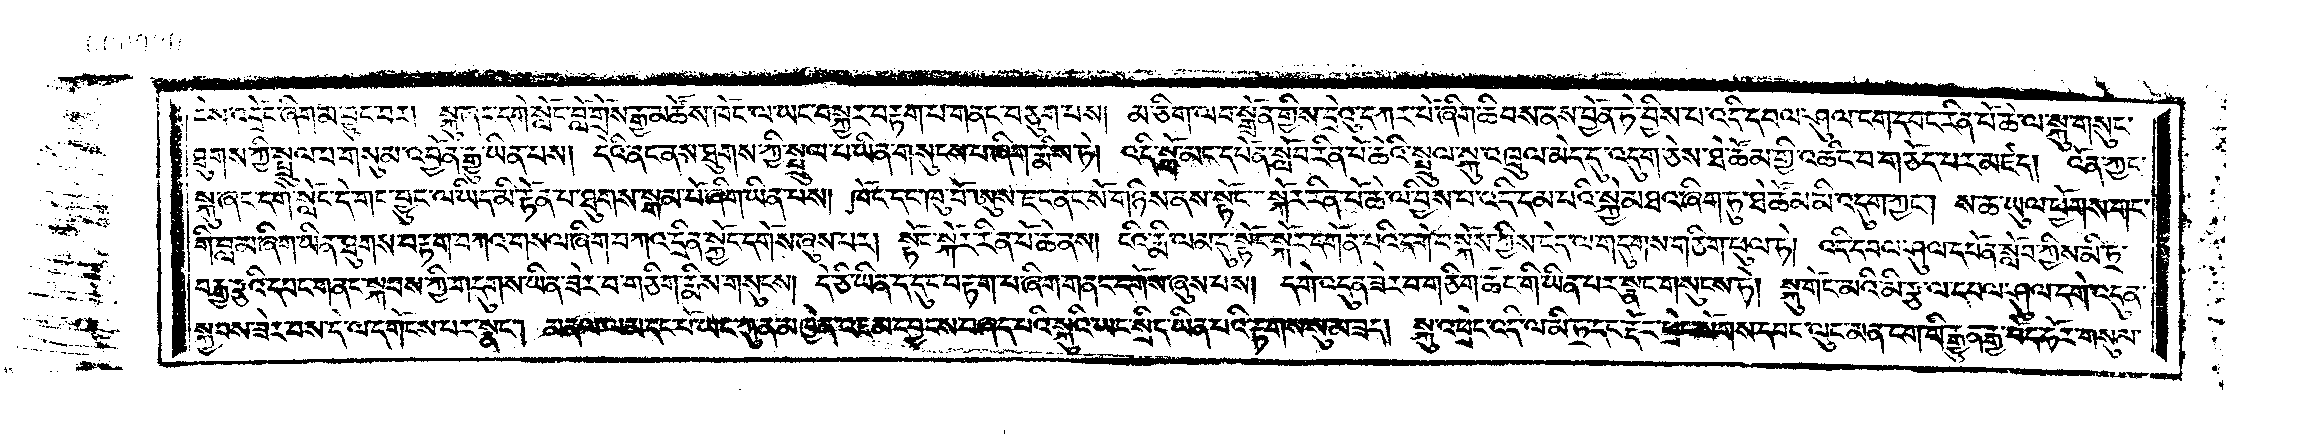ངེས་འདྲོང་ཞིག་མ་བྱུང་བར། སྐུ་ཞང་དགེ་སློང་བློ་གྲོས་རྒྱ་མཚོས་ཁོང་ལ་ཡང་བསྐྱར་བརྟག་པ་གནང་བཅུག་པས། མ་ཅིག་ལ་བ་སྒྲོན་གྱིས་དྲེའུ་དཀར་པོ་ཞིག་ཆི་པས་ནས་བྱོན་ཏེ་བྱིས་པ་འདི་དབལ་ཤུལ་ངག་དབང་རིན་པོ་ཆེ་ལ་སྐུ་གསུང་
ཐུགས་ཀྱི་སྤྲུལ་བ་གསུམ་འབྱོན་རྒྱུ་ཡིན་པས། དེའི་ནང་ནས་ཐུགས་ཀྱི་སྤྲུལ་པ་ཡིན་གསུངས་པ་ཞིག་རྨིས་ཏེ། འདི་སྒོ་མང་དཔོན་སློབ་རིན་པོ་ཆེའི་སྤྲུལ་སྐུ་འཁྲུལ་མེད་དུ་འདུག་ཅེས་ཐེ་ཚོམ་གྱི་འཆིང་བ་གཅོད་པར་མཛད། འོན་ཀྱང་
སྐུ་ཞང་དགེ་སློང་དེ་གང་བྱུང་ལ་ཡིད་མི་རྟོན་པ་ཐུགས་སྒམ་པོ་ཞིག་ཡིན་པས། ཁོང་དང་ཁུ་བོ་ཨུས་ཇང་ནང་སོ་གཉིས་ནས་སྟོང་སྐོར་རིན་པོ་ཆེ་ལ་བྱིས་པ་འདི་དམ་པའི་སྐྱེ་མཐའ་ཞིག་ཏུ་ཐེ་ཚོམ་མི་འདུག་ཀྱང་། ས་ཆ་ཡུལ་ཕྱོགས་གང་
གི་བླ་མ་ཞིག་ཡིན་ཐུགས་བརྟག་བཀའ་གསལ་ཞིག་བཀའ་དྲིན་སྐྱོང་དགོས་ཞུས་པར། སྟོང་སྐོར་རིན་པོ་ཆེ་ནས། ངའི་རྨི་ལམ་དུ་སྟོང་སྐོར་དགོན་པའི་དགེ་བསྐོས་ཀྱིས་ངེད་ལ་གདུགས་གཅིག་ཕུལ་ཏེ། འདི་དབལ་ཤུལ་དཔོན་སློབ་ཀྱིས་མི་ཏྲ་
བརྒྱ་རྩའི་དབང་གནང་སྐབས་ཀྱི་གདུགས་ཡིན་ཟེར་བ་གཅིག་རྨིས་གསུངས། དེ་ཅི་ཡིན་ད་དུང་བརྟག་པ་ཞིག་གནང་དགོས་ཞུས་པས། དགེ་འདུན་ཟེར་པ་གཅིག་ཚང་གི་ཡིན་པར་སྣང་གསུངས་ཏེ། སྐུ་གོང་མའི་མི་རྩ་ལ་དཔལ་ཤུལ་དགེ་འདུན་
སྐྱབས་ཟེར་བས་དེ་ལ་དགོངས་པར་སྣང་། མནལ་ལམ་དང་པོ་ཡང་ཀུན་མཁྱེན་འཇམ་དབྱངས་བཞད་པའི་སྐུའི་ཡང་སྲིད་ཡིན་པའི་རྟགས་སུ་མ་ཟད། སྐུ་འཕྲེང་འདི་ལ་མི་ཏྲ་དང་རྡོར་ཕྲེང་སོགས་དབང་ལུང་མན་ངག་གི་རྒྱུན་རྒྱ་བོད་ཧོར་གསུམ་